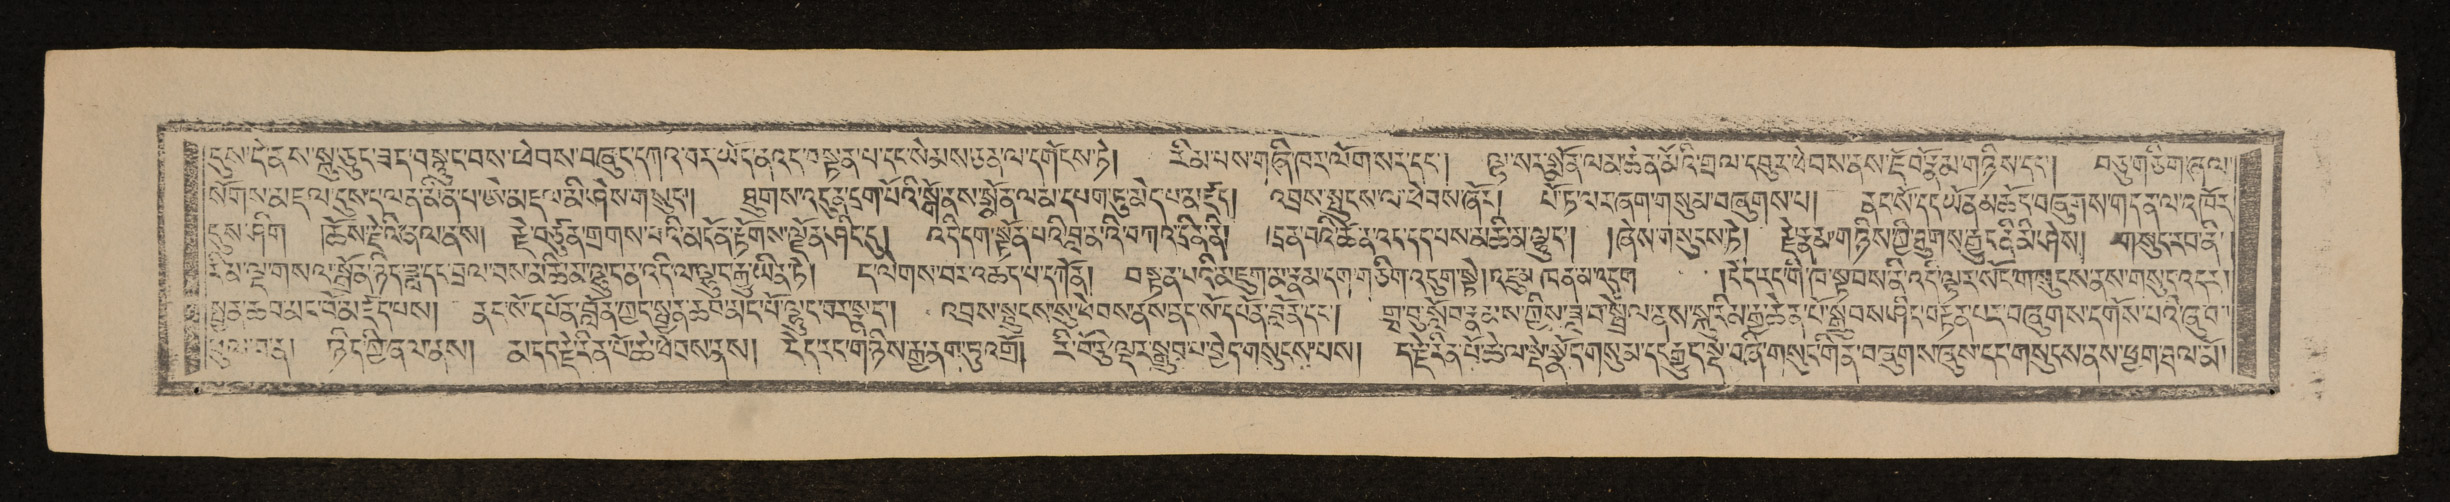དུས་ད་ནས་སྐྱ་ཅུང་ཟད་བསྙུང་བས་ཕེབས་བཞུད་དཀའ་བར་ཡོད་ནའང་བསྟན་པ་དང་སེམས་ཅན་ལ་དགོངས་ཏེ། རིམ་པས་གཞི་ཁར་ལོ་གསར་དང་། ལྷ་སར་སྨོན་ལམ་ཆེན་མོའི་གྲལ་དབུང་ཕེབས་ནས་ཇོ་བོ་རྣམ་གཉིས་དང་། བཅུ་གཅིག་ཞལ་
སོགས་མཇལ་དུས་ང་ལན་མིན་པ་ཨེ་མཇལ་མི་ཤེས་གསུང་། ཐུགས་འདུན་དྲག་པོའི་སྒོ་ནས་སྨོན་ལམ་དཔག་ཏུ་མེད་པ་མཛད། འབྲས་སྤུངས་ལ་ཕེབས་ཞོར། པོ་ཏ་ལར་ཞག་གསུམ་བཞུགས་པ། ནང་སོ་དང་ཡོན་མཆོད་བཞུགས་གདན་ལ་འཁོད་
དུས་ཤིག །ཆོས་རྗེའི་ཞལ་ནས། རྗེ་བཙུན་གྲགས་པའི་མངོན་རྟོགས་ལྗོན་ཤིང་དུ། འདི་དག་སྟོན་པའི་བླ་མའི་བཀའ་དྲིན་ནི། །དྲན་པའི་ཚ་ནའང་དད་པས་མཆི་མ་ལྷུང་། །ཞེས་གསུངས་ཏེ། རྗེ་རྣམ་གཉིས་ཀྱི་ཐུགས་རྒྱུད་ནི་མི་ཤེས། གསུང་རབ་ནི་
རིམ་ལྔ་གསལ་སྒྲོན་ཉིད་ཟླ་དང་བྲལ་བས་མཆི་མ་ལྷུང་ན་འདི་ལ་ལྷུང་རྒྱུ་ཡིན་ཏེ། ད་ལེགས་པར་འཆད་པ་དཀོན། བསྟན་པའི་མཇུག་མ་རྣམ་དག་གཅིག་འདུག་སྟེ། འཇུ་མཁན་མི་འདུག །ངེད་རང་གི་ཁ་སྟབས་ནི་འདི་ལྟར་སོང་གསུངས་ནས་གསུང་འདར།
སྤྱན་ཆབ་མང་པོ་མཛད་པས། ནང་སོ་དཔོན་བློན་ཀྱང་སྤྱན་ཆབ་མང་པོ་ལྷུང་བར་སྣང་། འབྲས་སྤུངས་སུ་ཕེབས་ནས་ནང་སོ་དཔོན་བློན་དང་། གྲྭ་བུ་སློབ་རྣམས་ཀྱིས་ཟླ་བ་སྤྲེལ་ནས་སྐུ་རིམ་རྒྱ་ཆེན་པོ་སྒྲུབས་ཤིང་བརྟན་པར་བཞུགས་དགོས་པའི་ཞུ་བ་
ཕུལ་བ་ན། ཉིད་ཀྱི་ཞལ་ནས། མདང་རྗེ་རིན་པོ་ཆེ་ཕེབས་ནས། ངེད་རང་གཉིས་རྒྱ་ནག་ཏུ་འགྲོ། རི་བོ་རྩེ་ལྔར་སྒྲུབ་པ་བྱེད་གསུངས་པས། ད་རྗེ་རིན་པོ་ཆེ་ལ་སྡེ་སྣོད་གསུམ་དང་རྒྱུད་སྡེ་བཞི་གསུང་གིན་བཞུགས་ཞུས་དང་གསུངས་ནས་ཕྱག་ཐལ་མོ་